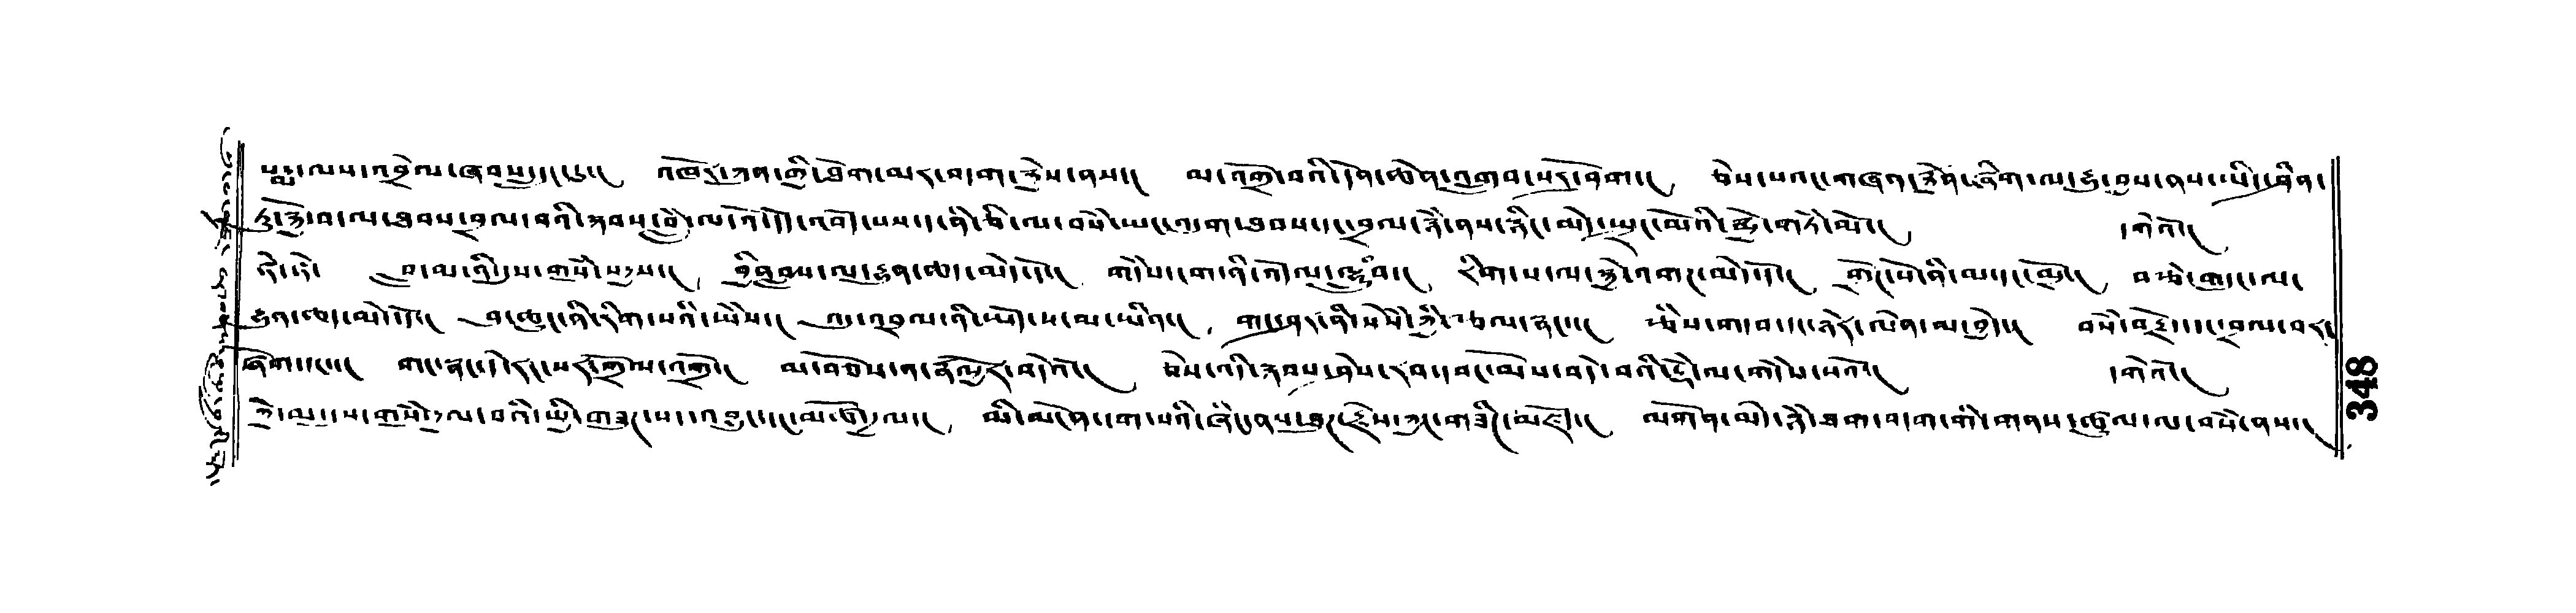པདྨ་ལས་འབྲེལ་ཞབས་དྲུང་དུ། །འཁོར་ཀུན་གྱི་ཐོག་མར་བདག་སྐྱེས་ནས། །མ་འགྲོ་བའི་དོན་ཆེན་འགྲུབ་པར་ཤོག ཅེས་པའང་གཞན་རྐྱེན་ཞིག་ལ་རྒྱུ་བྱས་ནས་ཡིད་ཤིན་
ཏུ་སྐྱོ་བ་ལ་ཐབས་བྲལ་བའི་སྐབས་བླ་མ་ལ་འོ་དོད་འབོད་པས་ད་ནི་ཅི་ལ་བསམ་ཡང་འདུག་ཐབས་དང་བྲལ་སྙམ་ནས་སྙིང་མེད་སྤྲང་མོའི་སྨྱོ་གཏམ་མོ།། དགེའོ།། 
ཧེ་ཧེ། བླ་མ་ནི་དུས་གསུམ་སངས་རྒྱས། །བྱིན་རླབས་ལ་རྒྱུན་ཆད་མེད་དོ། །གདམས་ངག་ནི་འོད་གསལ་ལྷུན་གྲུབ། །རིག་པ་ལ་སྐྱེ་འགགས་མེད་དོ། །གྲོགས་པོ་ནི་མ་དང་མཁའ་འགྲོ། །བརྩེ་གདུང་ལ་
རྒྱུན་ཆད་མེད་དོ། །བུ་ཆུང་ནི་རིག་པའི་ཡེ་ཤེས། །འདུ་འབྲལ་ནི་ཡོད་པ་མ་ཡིན། །གང་ཤར་ནི་སེམས་ཀྱི་རྩལ་སྣང་། །རྩིས་གདབ་དང་ཉེར་ལེན་མ་བྱེད། །བསམ་བརྗོད་དང་བྲལ་བར་
ཞོག་དང་། །གང་སྣང་དེ་རེང་སར་གྲོལ་འགྲོ །མ་བཅོས་ན་རྣལ་འབྱོར་བདེའོ། ཅེས་འདི་སྐབས་ཤེས་རབ་དབང་མོས་བདེ་བའི་རྡོ་རྗེ་ལ་གདམས་པའོ།། དགེའོ།། 
ཀྱེ་མ། དུས་གསུམ་རྒྱལ་བའི་སྤྱི་གཟུགས་པད་འབྱུང་དང་མཚོ་རྒྱལ། །མི་མངོན་དག་པའི་ཞིང་ནས་ཐུགས་རྗེས་ཀྱང་གཟིགས་མཛོད། །མགོན་མེད་ཉམ་ཐག་བདག་གི་གནས་ཚུལ་ལ་བསམ་ནས།